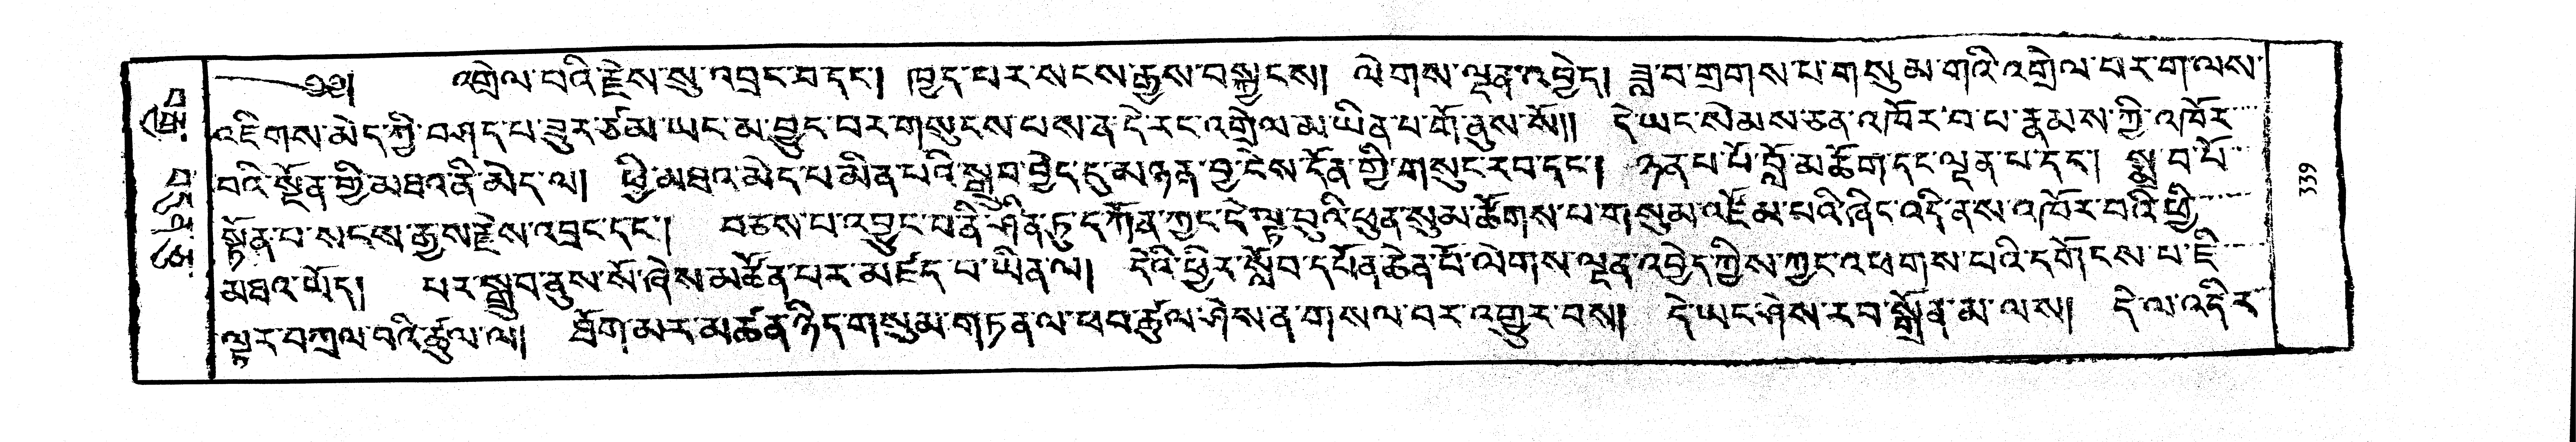༄༅། །འགྲེལ་བའི་རྗེས་སུ་འབྲང་བ་དང་། ཁྱད་པར་སངས་རྒྱས་བསྐྱངས། ལེགས་ལྡན་འབྱེད། ཟླ་བ་གྲགས་པ་གསུམ་གའི་འགྲེལ་པར་ག་ལས་
འཇིགས་མེད་ཀྱི་བཤད་པ་ཟུར་ཙམ་ཡང་མ་བྱུང་བར་གསུངས་པས་ན་དེ་རང་འགྲེལ་མ་ཡིན་པ་གོ་ནུས་སོ། །དེ་ཡང་སེམས་ཅན་འཁོར་བ་པ་རྣམས་ཀྱི་འཁོར་
བའི་སྔོན་གྱི་མཐའ་ནི་མེད་ལ། ཕྱི་མཐའ་མེད་པ་མིན་པའི་སྒྲུབ་བྱེད་དུ་མཉན་བྱ་ངེས་དོན་གྱི་གསུང་རབ་དང་། ཉན་པ་པོ་བློ་མཆོག་དང་ལྡན་པ་དང་། སྨྲ་བ་པོ་
སྟོན་པ་སངས་རྒྱས་རྗེས་འབྲང་དང་། བཅས་པ་འབྱུང་བ་ནི་ཤིན་ཏུ་དཀོན་ཀྱང་དེ་ལྟ་བུའི་ཕུན་སུམ་ཚོགས་པ་གསུམ་འཛོམ་པའི་ཞིང་འདི་ནས་འཁོར་བའི་ཕྱི་
མཐའ་ཡོད། པར་སྒྲུབ་ནུས་སོ་ཞེས་མཚོན་པར་མཛད་པ་ཡིན་ལ། དེའི་ཕྱིར་སློབ་དཔོན་ཆེན་པོ་ལེགས་ལྡན་འབྱེད་ཀྱིས་ཀྱང་འཕགས་པའི་དགོངས་པ་ཇི་
ལྟར་བཀྲལ་བའི་ཚུལ་ལ། ཐོག་མར་མཚན་ཉིད་གསུམ་གཏན་ལ་ཕབ་ཚུལ་ཤེས་ན་གསལ་བར་འགྱུར་བས། དེ་ཡང་ཤེས་རབ་སྒྲོན་མ་ལས། དེ་ལ་འདིར་